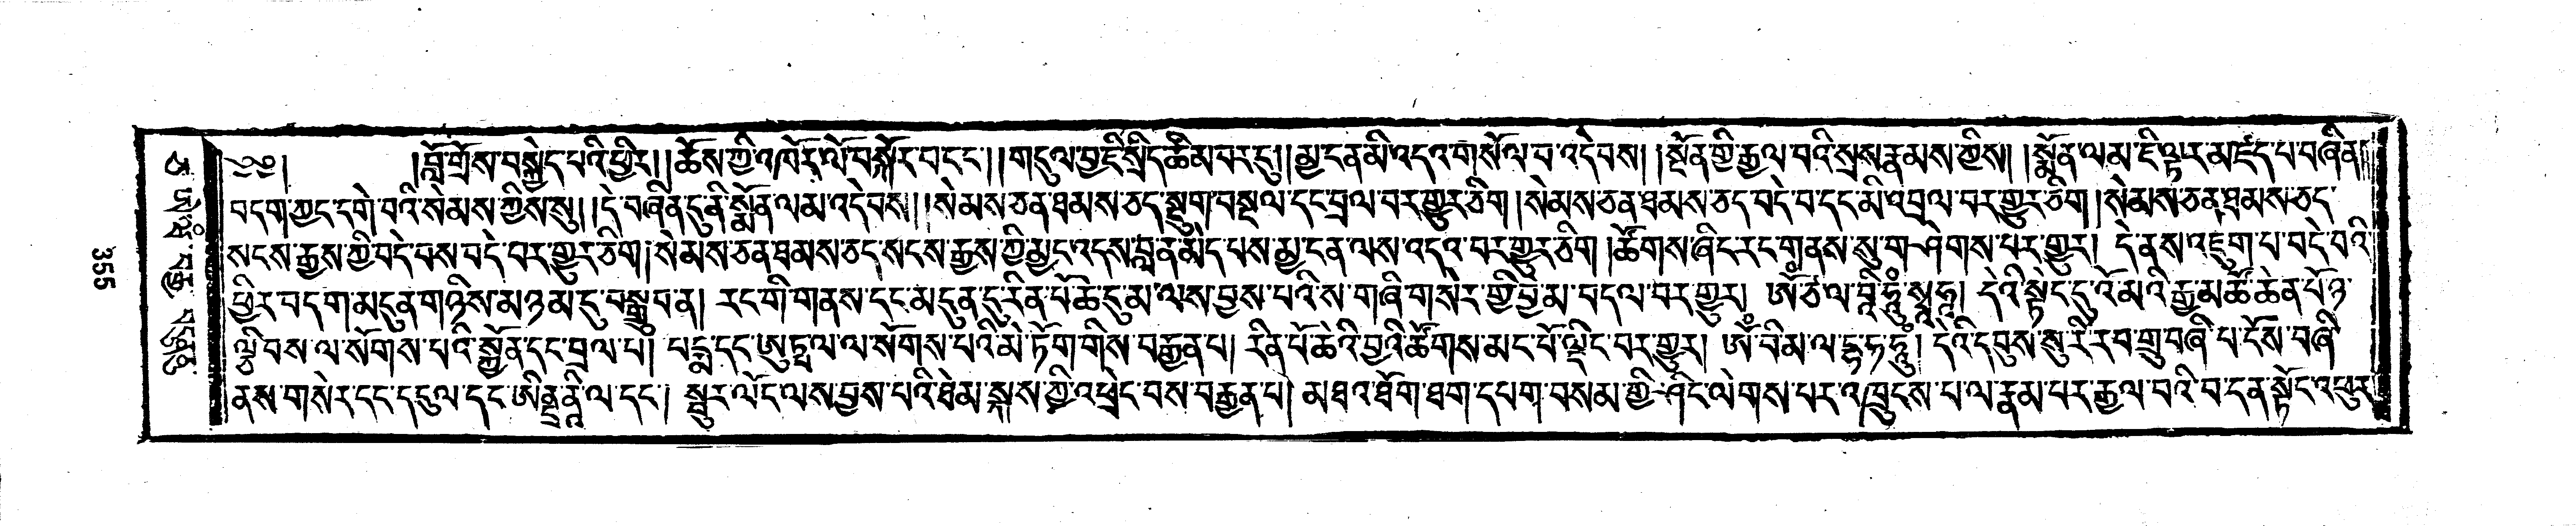༄༅། །བློ་གྲོས་བསྐྱེད་པའི་ཕྱིར། །ཆོས་ཀྱི་འཁོར་ལོ་བསྐོར་བ་དང་། །གདུལ་བྱ་ཇི་སྲིད་ཚིམ་བར་དུ། །མྱ་ངན་མི་འདའ་གསོལ་བ་འདེབས། །སྔོན་གྱི་རྒྱལ་བའི་སྲས་རྣམས་ཀྱིས། །སྨོན་ལམ་ཇི་ལྟར་མཛད་པ་བཞིན། །
བདག་ཀྱང་དགེ་བའི་སེམས་ཀྱིས་སུ། །དེ་བཞིན་དུ་ནི་སྨོན་ལམ་འདེབས། །སེམས་ཅན་ཐམས་ཅད་སྡུག་བསྔལ་དང་བྲལ་བར་གྱུར་ཅིག །སེམས་ཅན་ཐམས་ཅད་བདེ་བ་དང་མི་འབྲལ་བར་གྱུར་ཅིག །སེམས་ཅན་ཐམས་ཅད་
སངས་རྒྱས་ཀྱི་བདེ་བས་བདེ་བར་གྱུར་ཅིག །སེམས་ཅན་ཐམས་ཅད་སངས་རྒྱས་ཀྱི་མྱང་འདས་བླ་ན་མེད་པས་མྱ་ངན་ལས་འདའ་བར་གྱུར་ཅིག །ཚོགས་ཞིང་རང་གནས་སུ་གཤེགས་པར་གྱུར། དེ་ནས་འཇུག་པ་བདེ་བའི་
ཕྱིར་བདག་མདུན་གཉིས་མཉམ་དུ་བསྒྲུབ་ན། རང་གི་གནས་དང་མདུན་དུ་རིན་པོ་ཆེ་དུ་མ་ལས་བྱས་པའི་ས་གཞི་གསེར་གྱི་བྱེ་མ་བདལ་བར་གྱུར། ཨོཾ་ཙ་ལ་བཱི་ཧཱུཾ་སྭཱཧཱ། དེའི་སྟེང་དུ་འོ་མའི་རྒྱ་མཚོ་ཆེན་པོ་ཉ་
ལྕིབས་ལ་སོགས་པའི་སྐྱོན་དང་བྲལ་བ། པདམ་དང་ཨུཏྤལ་ལ་སོགས་པའི་མེ་ཏོག་གིས་བརྒྱན་པ། རིན་པོ་ཆེའི་བྱའི་ཚོགས་མང་པོ་ལྡིང་བར་གྱུར། ཨོཾ་བི་མ་ལ་དྷ་ཧ་ཧཱུཾ། དེའི་དབུས་སུ་རི་རབ་གྲུ་བཞི་པ་ངོས་བཞི་
ནས་གསེར་དང་དངུལ་དང་ཨིནྡྲ་ནཱི་ལ་དང་། སྦུར་ལོང་ལས་བྱས་པའི་ཐེམ་སྐས་ཀྱི་འཕྲེང་བས་བརྒྱན་པ། མཐའ་ཐོག་ཐག་དཔག་བསམ་གྱི་ཤིང་ལེགས་པར་འཁྲུངས་པ་ལ་རྣམ་པར་རྒྱལ་བའི་བ་དན་སྟོང་འཕུར་